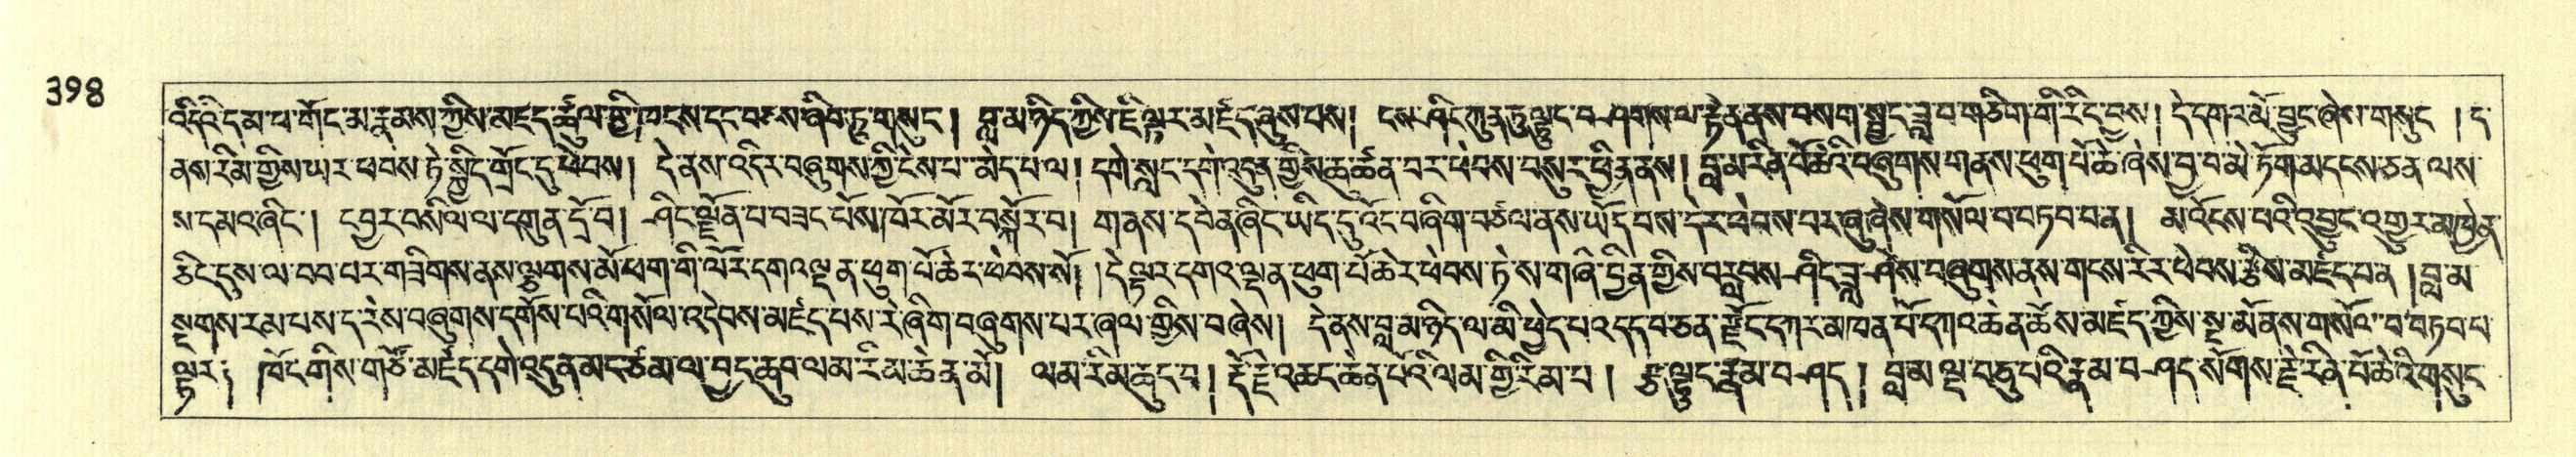འདིའི་དམ་པ་གོང་མ་རྣམས་ཀྱིས་མཛད་ཚུལ་གྱི་ཁངས་དང་བཅས་ཞིབ་ཏུ་གསུང་། བླ་མ་ཉིད་ཀྱིས་ཇི་ལྟར་མཛད་ཞུས་པས། ངས་ཤིང་ཀུན་ཏུ་ལྟུང་བཤགས་ལ་རྟེན་ནས་བསག་སྦྱང་ཟླ་བ་གཅིག་གི་རིང་བྱས། དེ་དགའ་མོ་བྱུང་ཞེས་གསུང་།ད་
ནས་རིམ་གྱིས་ཡར་ཕབས་ཏེ་སྐྱིད་གྲོང་དུ་ཕེབས། དེ་ནས་འདིར་བཞུགས་ཀྱི་ངེས་པ་མེད་པ་ལ། དགེ་སླང་དགེ་འདུན་གྱིས་ཆུ་ཚན་བར་ཕེབས་བསུར་ཕྱིན་ནས། བླ་མ་རིན་པོ་ཆེའི་བཞུགས་གནས་ཕུག་པོ་ཆེ་ཞེས་བྱ་བ་མེ་ཏོག་མདངས་ཅན་ལས་
ས་དམའ་ཞིང་། དབྱར་བསིལ་ལ་དགུན་དྲོ་བ། ཤིང་ལྗོན་པ་བཟང་པོས་ཁོར་མོར་བསྐོར་བ། གནས་དབེན་ཞིང་ཡིད་དུ་འོང་བ་ཞིག་བཙལ་ནས་ཡོད་བས་དེར་ཕེབས་བར་ཞུ་ཞེས་གསོལ་བ་བཏབ་བ་ན། མ་འོངས་པའི་འབྱུང་འགྱུར་མཁྱེན་
ཅིང་དུས་ལ་བབ་པར་གཟིགས་ནས་ལྕགས་མོ་ཕག་གི་ལོར་དགའ་ལྡན་ཕུག་པོ་ཆེར་ཕེབས་སོ། །དེ་ལྟར་དགའ་ལྡན་ཕུག་པོ་ཆེར་ཕེབས་ཏེ་ས་གཞི་བྱིན་གྱིས་བརླབས་ཤིང་ཟླ་ཤེས་བཞུགས་ནས་གངས་རིར་ཕེབས་རྩིས་མཛད་པ་ན་།བླ་མ་
སྔགས་རམ་པས་ད་རེས་བཞུགས་དགོས་པའི་གསོལ་འདེབས་མཛད་པས་རེ་ཞིག་བཞུགས་པར་ཞལ་གྱིས་བཞེས། དེ་ནས་བླ་མ་ཉིད་ལ་མི་ཕྱེད་པ་འདད་བ་ཅན་རྫོང་དཀར་མཁན་པོ་དཀའ་ཆེན་ཆོས་མཛད་ཀྱིས་སྔ་མོ་ནས་གསོལ་བ་བཏབ་པ་
ལྟར༑ ཁོང་གིས་གཙོ་མཛད་དགེ་འདུན་མང་ཙམ་ལ་བྱང་ཆུབ་ལམ་རིམ་ཆེན་མོ། ལམ་རིམ་ཆུང་བ། རྡོ་རྗེ་འཆང་ཆེན་པོའི་ལམ་གྱི་རིམ་པ། རྩ་ལྷུང་རྣམ་བཤད། བླ་མ་ལྔ་བཅུ་པའི་རྣམ་བཤད་སོགས་རྗེ་རིན་པོ་ཆེའི་གསུང་